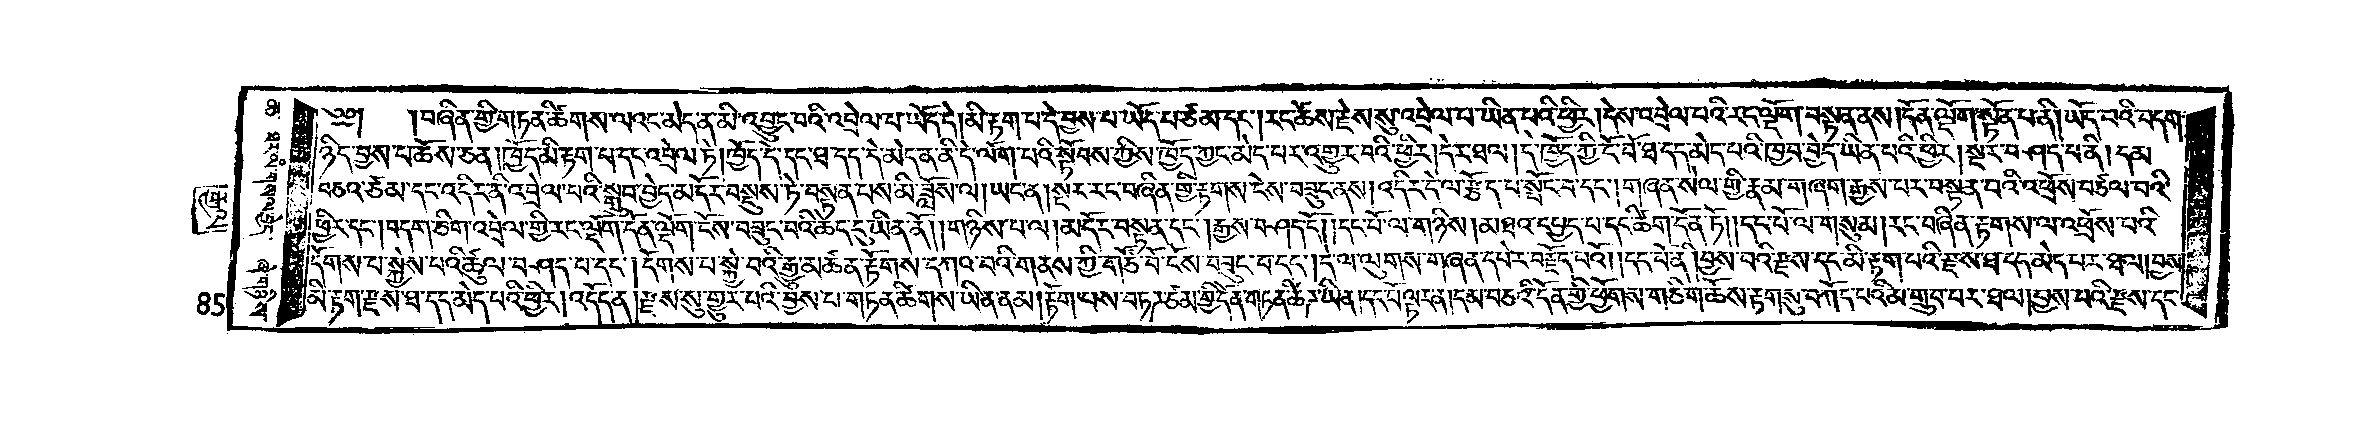༄༅། །བཞིན་གྱི་གཏན་ཚིགས་ལའང་མེད་ན་མི་འབྱུང་བའི་འབྲེལ་པ་ཡོད་དེ། མི་རྟག་པ་དེ་བྱས་པ་ཡོད་པ་ཙམ་དང་། རང་ཆོས་རྗེས་སུ་འབྲེལ་པ་ཡིན་པའི་ཕྱིར། དེས་འབྲེལ་པའི་རང་ལྡོག་བསྟན་ནས། དོན་ལྡོག་སྟོན་པ་ནི། ཡོད་པའི་བདག་
ཉིད་བྱས་པ་ཆོས་ཅན། ཁྱོད་མི་རྟག་པ་དང་འབྲེལ་ཏེ། ཁྱོད་དེ་དང་ཐ་དད་དེ་མེད་ན་ནི་དེ་ལོག་པའི་སྟོབས་ཀྱིས་ཁྱོད་ཀྱང་མེད་པར་འགྱུར་བའི་ཕྱིར། དེར་ཐལ། དེ་ཁྱོད་ཀྱི་ངོ་བོ་ཐ་དད་མེད་པའི་ཁྱབ་བྱེད་ཡིན་པའི་ཕྱིར། སྔར་བཤད་པ་ནི། དམ་
བཅའ་ཙམ་དང་འདིར་ནི་འབྲེལ་པའི་སྒྲུབ་བྱེད་མདོར་བསྡུས་ཏེ་བསྟན་པས་མི་ཟློས་ལ། ཡང་ན། སྔར་རང་བཞིན་གྱི་རྟགས་ངེས་བཟུང་ནས། འདིར་དེ་ལ་རྩོད་པ་སྤོང་བ་དང་། གཞན་སེལ་གྱི་རྣམ་གཞག་རྒྱས་པར་བསྟན་པའི་འཕྲོས་བཙལ་བའི་
ཕྱིར་དང་། བདག་ཅིག་འབྲེལ་གྱི་རང་ལྡོག་དོན་ལྡོག་ངོས་བཟུང་བའི་ཆེད་དུ་ཡིན་ནོ། །གཉིས་པ་ལ། མདོར་བསྟན་དང་། རྒྱས་བཤད་དོ། །དང་པོ་ལ་གཉིས། མཐའ་དཔྱད་པ་དང་ཚིག་དོན་ཏོ། །དང་པོ་ལ་གསུམ། རང་བཞིན་རྟགས་ལ་འཕྲོས་པའི་
དོགས་པ་སྐྱེས་པའི་ཚུལ་བཤད་པ་དང་། དོགས་པ་སྐྱེ་བའི་རྒྱུ་མཚན་རྟོགས་དཀའ་བའི་གནས་ཀྱི་གཙོ་བོ་ངོས་བཟུང་བ་དང་། དེ་ལ་ལུགས་གཞན་དཔེར་བརྗོད་པའོ། །དང་པོ་ནི། བྱས་པའི་རྫས་དང་མི་རྟག་པའི་རྫས་ཐ་དད་མེད་པར་ཐལ། བྱས་
མི་རྟག་རྫས་ཐ་དད་མེད་པའི་ཕྱིར། འདོད་ན། རྫས་སུ་གྱུར་པའི་བྱས་པ་གཏན་ཚིགས་ཡིན་ནམ། རྟོག་པས་བཏཌ་ཙམ་གྱི་དོན་གཏན་ཚིཌ་ཡིན། དང་པོ་ལྟར་ན། དམ་བཅའི་དོན་གྱི་ཕྱོགས་གཅིག་ཆོས་རྟགས་སུ་བཀོད་པའི་མ་གྲུབ་པར་ཐལ། བྱས་པའི་རྫས་དང་